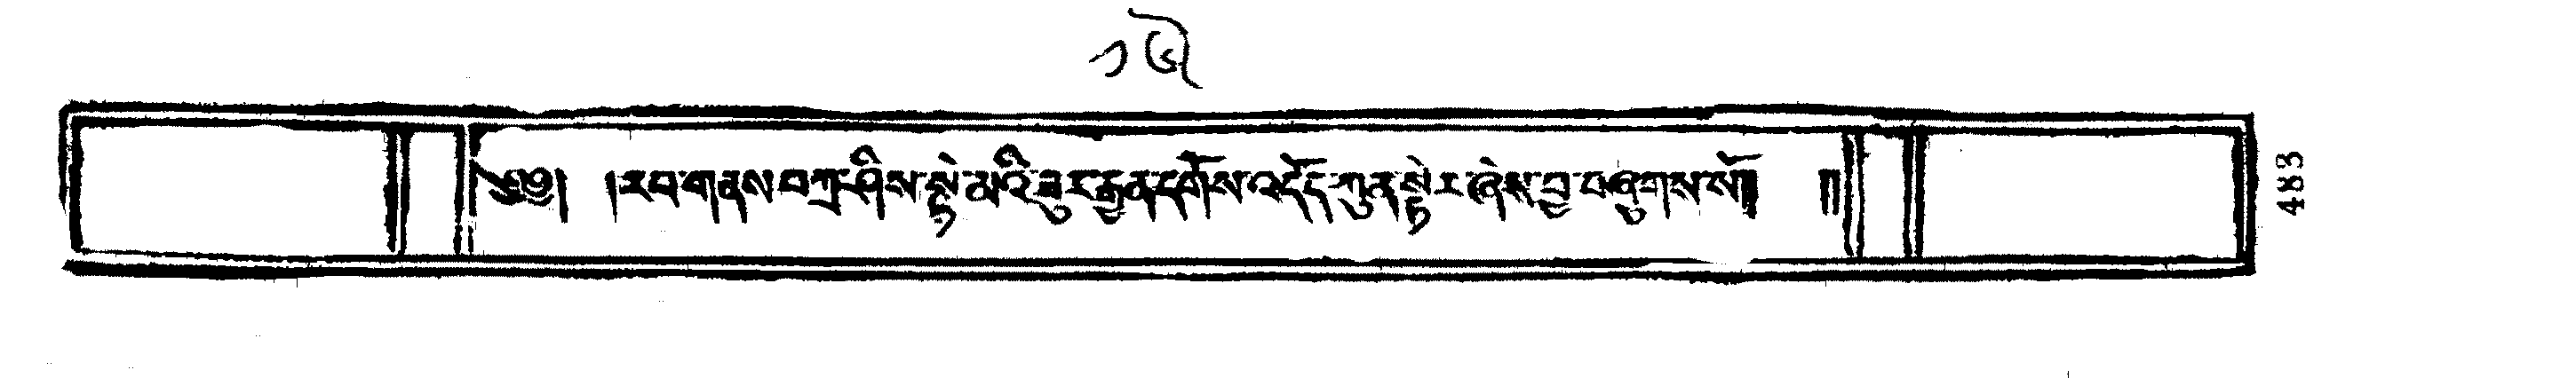༄༅། །རབ་གནས་བཀྲ་ཤིས་སྟེ་མའི་ཐུར་རྒྱན་དགོས་འདོད་ཀུན་སྟེར་ཞེས་བྱ་བཞུགས་སོ།། །།